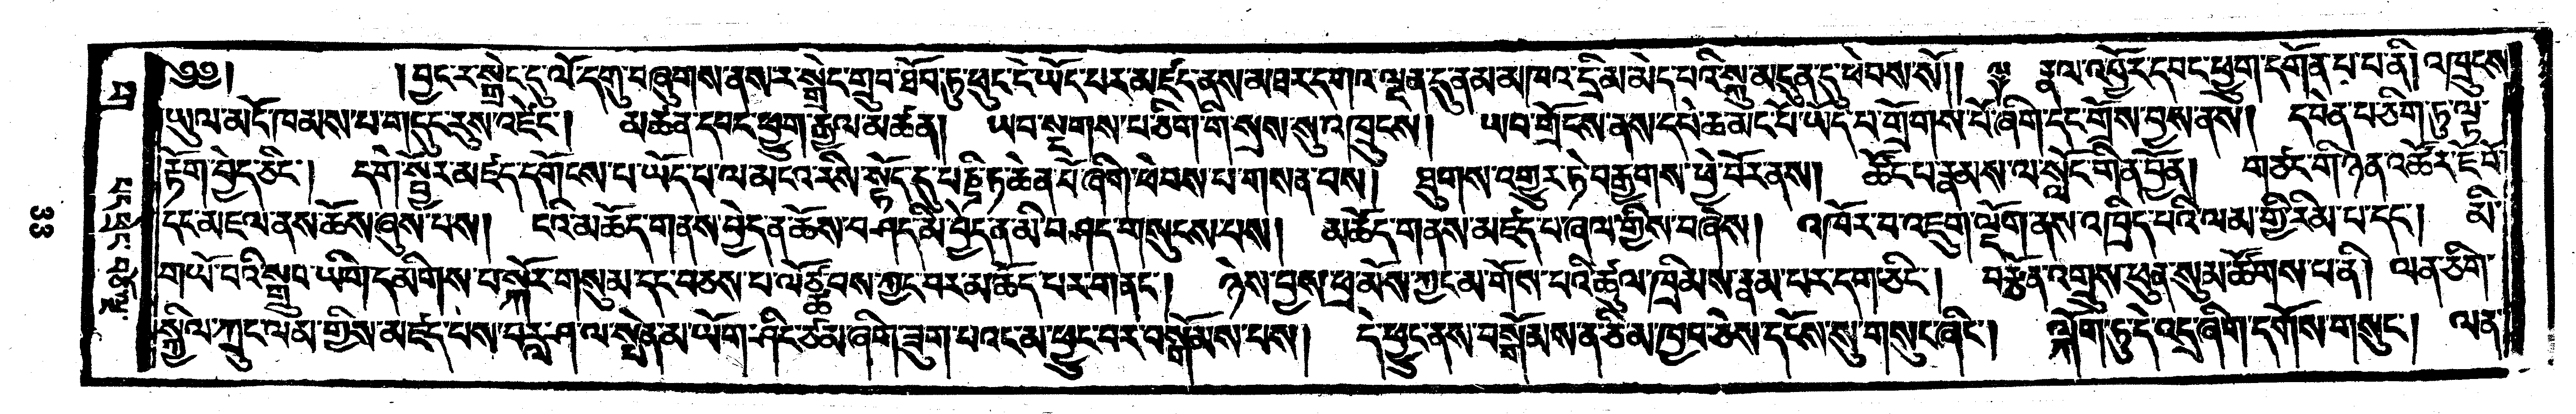༄༅། །བྱང་ར་སྒྲེང་དུ་ལོ་དགུ་བཞུགས་ནས་ར་སྒྲེང་གྲུབ་ཐོབ་ཏུ་ཕུང་ངེ་ཡོད་པར་མཛད་ནས་མཐར་དགའ་ལྡན་དུ་ནམ་མཁའ་དྲི་མ་མེད་པའི་སྐུ་མདུན་དུ་ཕེབས་སོ།། ༈ རྣལ་འབྱོར་དབང་ཕྱུག་དགོན་པ་པ་ནི། འཁྲུངས་
ཡུལ་མདོ་ཁམས་པ་གདུང་རུས་འཛེང་། མཚན་དབང་ཕྱུག་རྒྱལ་མཚན། ཡབ་སྔགས་བ་ཅིག་གི་སྲས་སུ་འཁྲུངས། ཡབ་གྲོངས་ནས་དཔེ་ཆ་མང་པོ་ཡོད་པ་གྲོགས་པོ་ཞིག་དང་གྲོས་བྱས་ནས། དབེན་པ་ཅིག་ཏུ་ལྟ་
རྟོག་བྱེད་ཅིང་། དགེ་སྦྱོར་མཛད་དགོངས་པ་ཡོད་པ་ལ་མངའ་རིས་སྟོད་དུ་པཎྚི་ཏ་ཆེན་པོ་ཞིག་ཕེབས་པ་གསན་པས། ཐུགས་འགྱུར་ཏེ་བརྒྱགས་ཕྱེ་བོར་ནས། ཚོང་པ་རྣམས་ལ་སློང་གིན་བྱོན། གཙང་གི་ཉན་འཚོར་ཇོ་བོ་
དང་མཇལ་ནས་ཆོས་ཞུས་པས། ངའི་མཆོད་གནས་བྱེད་ན་ཆོས་བཤད་མི་བྱེད་ན་མི་བཤད་གསུངས་པས། མཆོད་གནས་མཛད་པ་ཞལ་གྱིས་བཞེས། འཁོར་བ་འཇུག་ལྡོག་ནས་འཁྲིད་པའི་ལམ་གྱི་རིམ་པ་དང་། མི་
གཡོ་བའི་སྒྲུབ་ཡིག་དམིགས་པ་སྐོར་གསུམ་དང་བཅས་པ་ལོཙྪ་བས་ཀྱང་བར་མཆོད་པར་གནང་། ཉེས་བྱས་ཕྲ་མོས་ཀྱང་མ་གོས་པའི་ཚུལ་ཁྲིམས་རྣམ་པར་དག་ཅིང་། བརྩོན་འགྲུས་ཕུན་སུམ་ཚོགས་པ་ནི། ལན་ཅིག་
སྐྱིལ་ཀྲུང་ལམ་གྱིས་མཛད་པས་བརླ་ཤ་ལ་སྦེན་མ་ཡོག་ཤིང་ཙམ་ཞིག་ཟུག་པའང་མ་ཕྱུང་བར་བསྒོམས་པས། དེ་ཕྱུང་ནས་བསྒོམས་ན་ཅི་མ་ཁྱབ་ཅེས་དངོས་སུ་གསུང་ཞིང་། ལྐོག་ཏུ་དེ་འདྲ་ཞིག་དགོས་གསུང་། ལན་